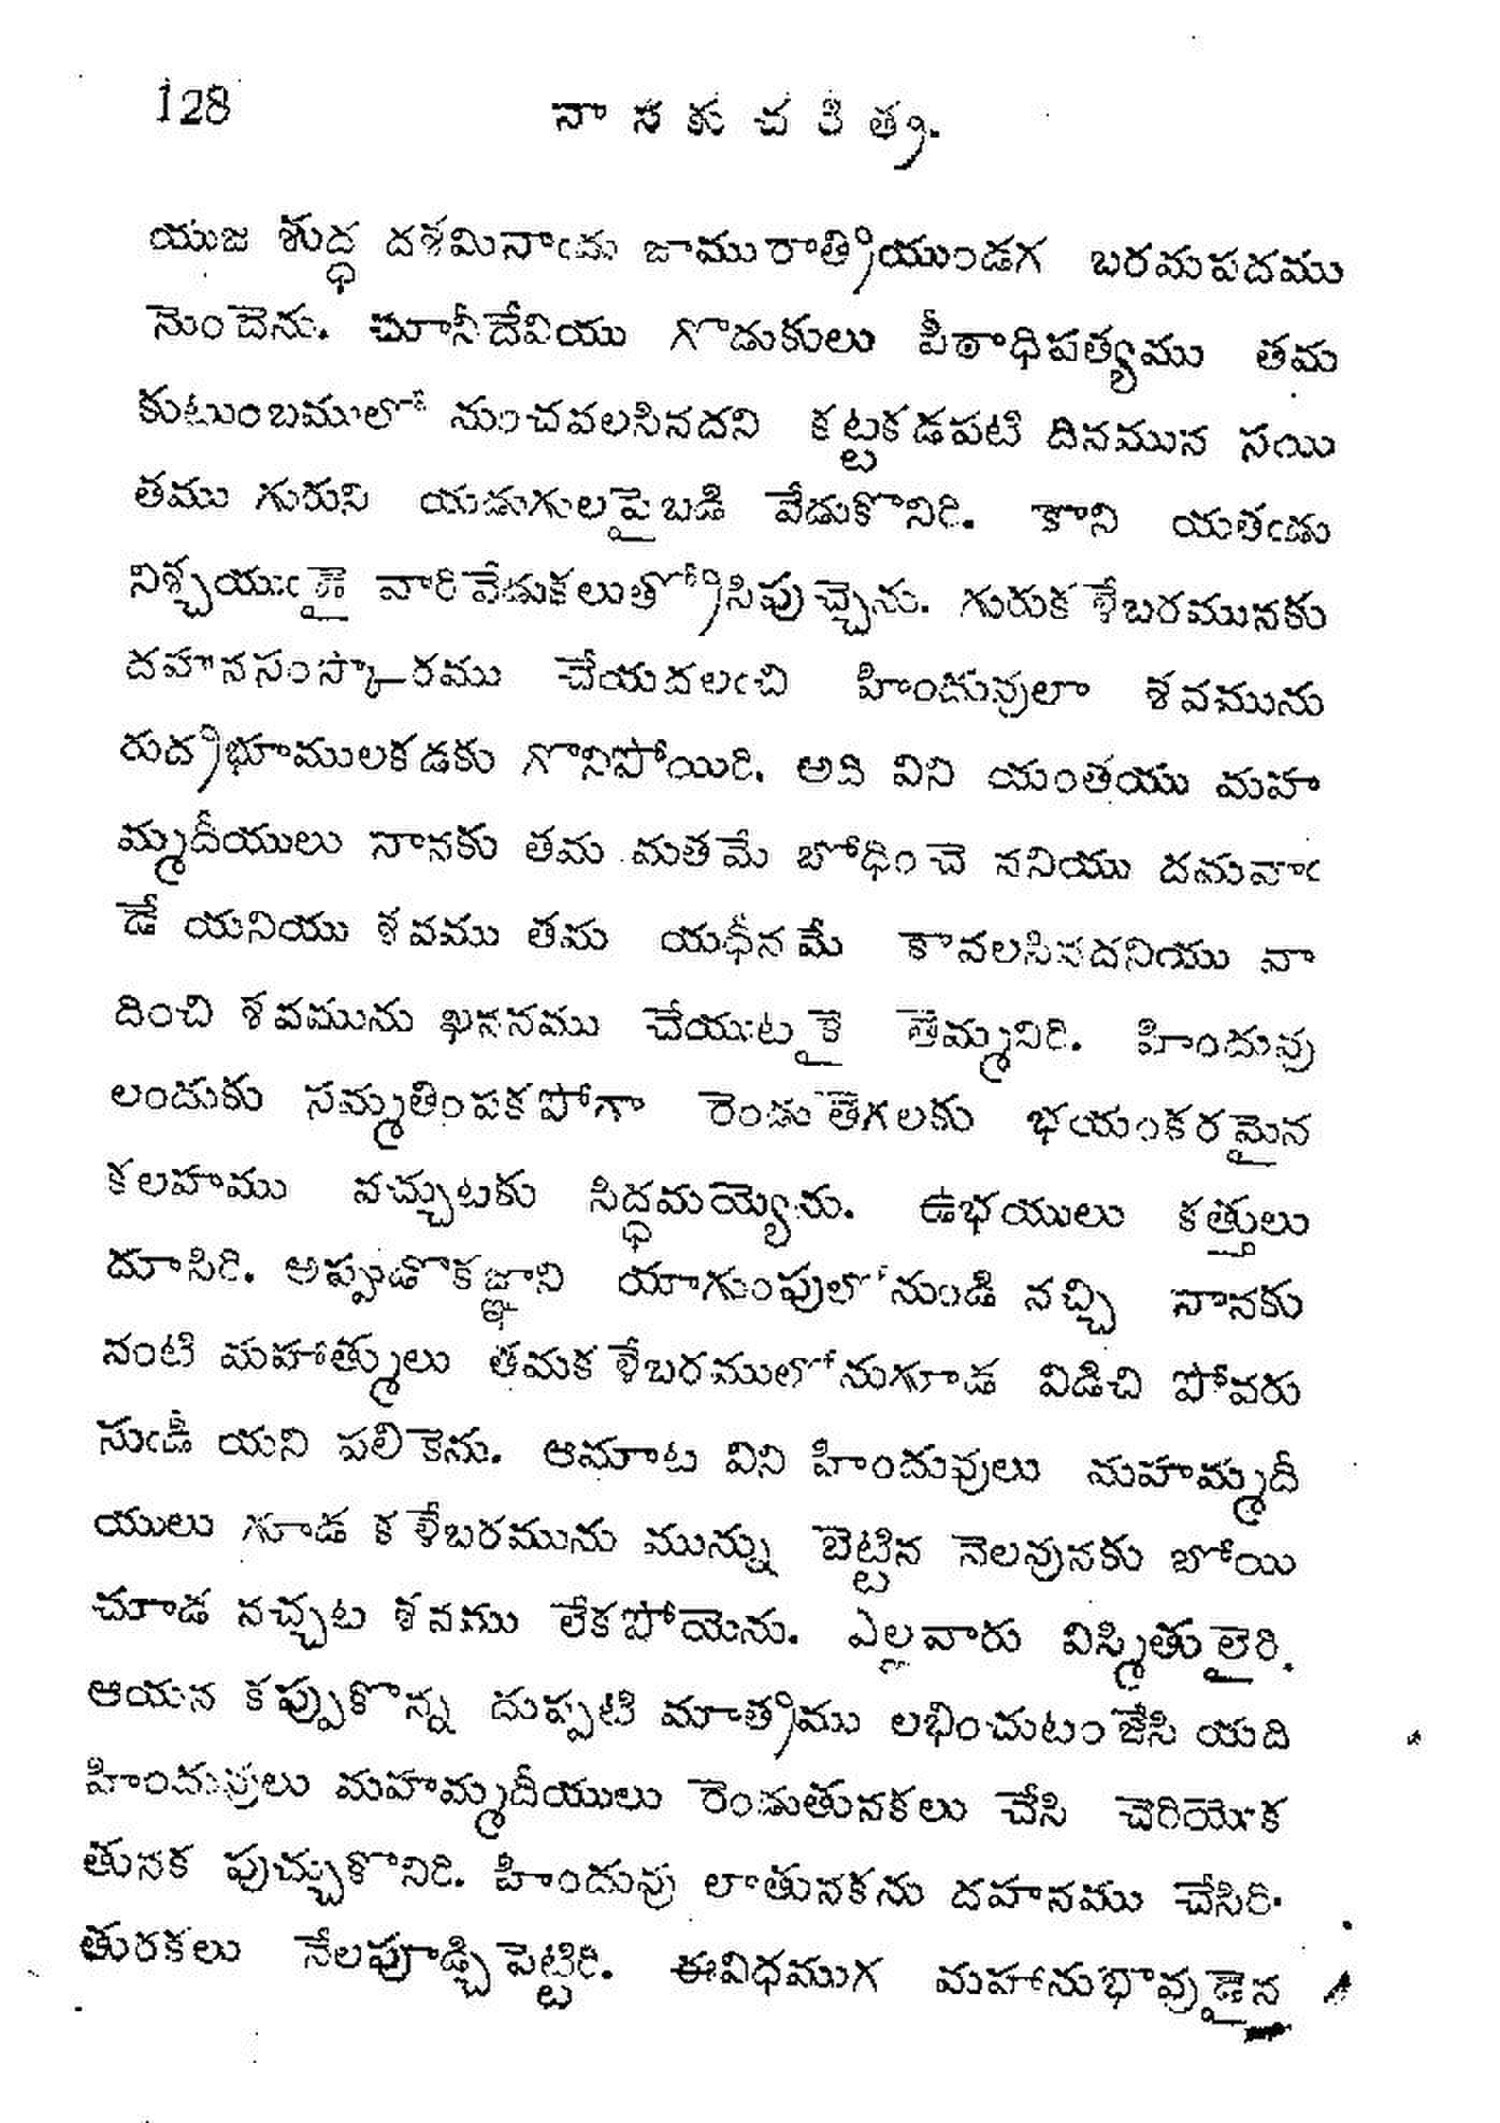యుజ శుద్ధ దశమినాడు జామురాత్రియుండగ బరమపదము నొందెను. చూనీదేవియు గొడుకులు పీఠాధిపత్యము తమ కుటుంబములో నుంచవలసినదని కట్టకడపటి దినమున సయితము గురుని యడుగులపైబడి వేడుకొనిరి. కాని యతడు నిశ్చయుడై వారివేడుకలుత్రోసిపుచ్చెను. గురుకళేబరమునకు దహనసంస్కారము చేయదలచి హిందువులా శవమును రుద్రభూములకడకు గొనిపోయిరి. అది విని యంతయు మహమ్మదీయులు నానకు తమ మతమే బోధించె ననియు దమవాడే యనియు శవము తమ యధీనమే కావలసినదనియు వాదించి శవమును ఖననము చేయుటకై తెమ్మనిరి. హిందువులందుకు సమ్మతింపకపోగా రెండుతెగలకు భయంకరమైన కలహము వచ్చుటకు సిద్ధమయ్యెను. ఉభయులు కత్తులు దూసిరి. అప్పుడొకజ్ఞాని యాగుంపులోనుండి వచ్చి నానకు వంటి మహాత్ములు తమకళేబరములోనుగూడ విడిచి పోవరు సుడీ యని పలికెను. ఆమాట విని హిందువులు మహమ్మదీయులు గూడ కళేబరమును మున్ను బెట్టిన నెలవునకు బోయి చూడ నచ్చట శవము లేకపోయెను. ఎల్లవారు విస్మితులైరి. ఆయన కప్పుకొన్న దుప్పటి మాత్రము లభించుటంజేసి యది హిందువులు మహమ్మదీయులు రెండుతునకలు చేసి చెరియొక తునక పుచ్చుకొనిరి. హిందువు లాతునకను దహనము చేసిరి. తురకలు నేలపూడ్చిపెట్టిరి. ఈవిధముగ మహానుభావుడైన